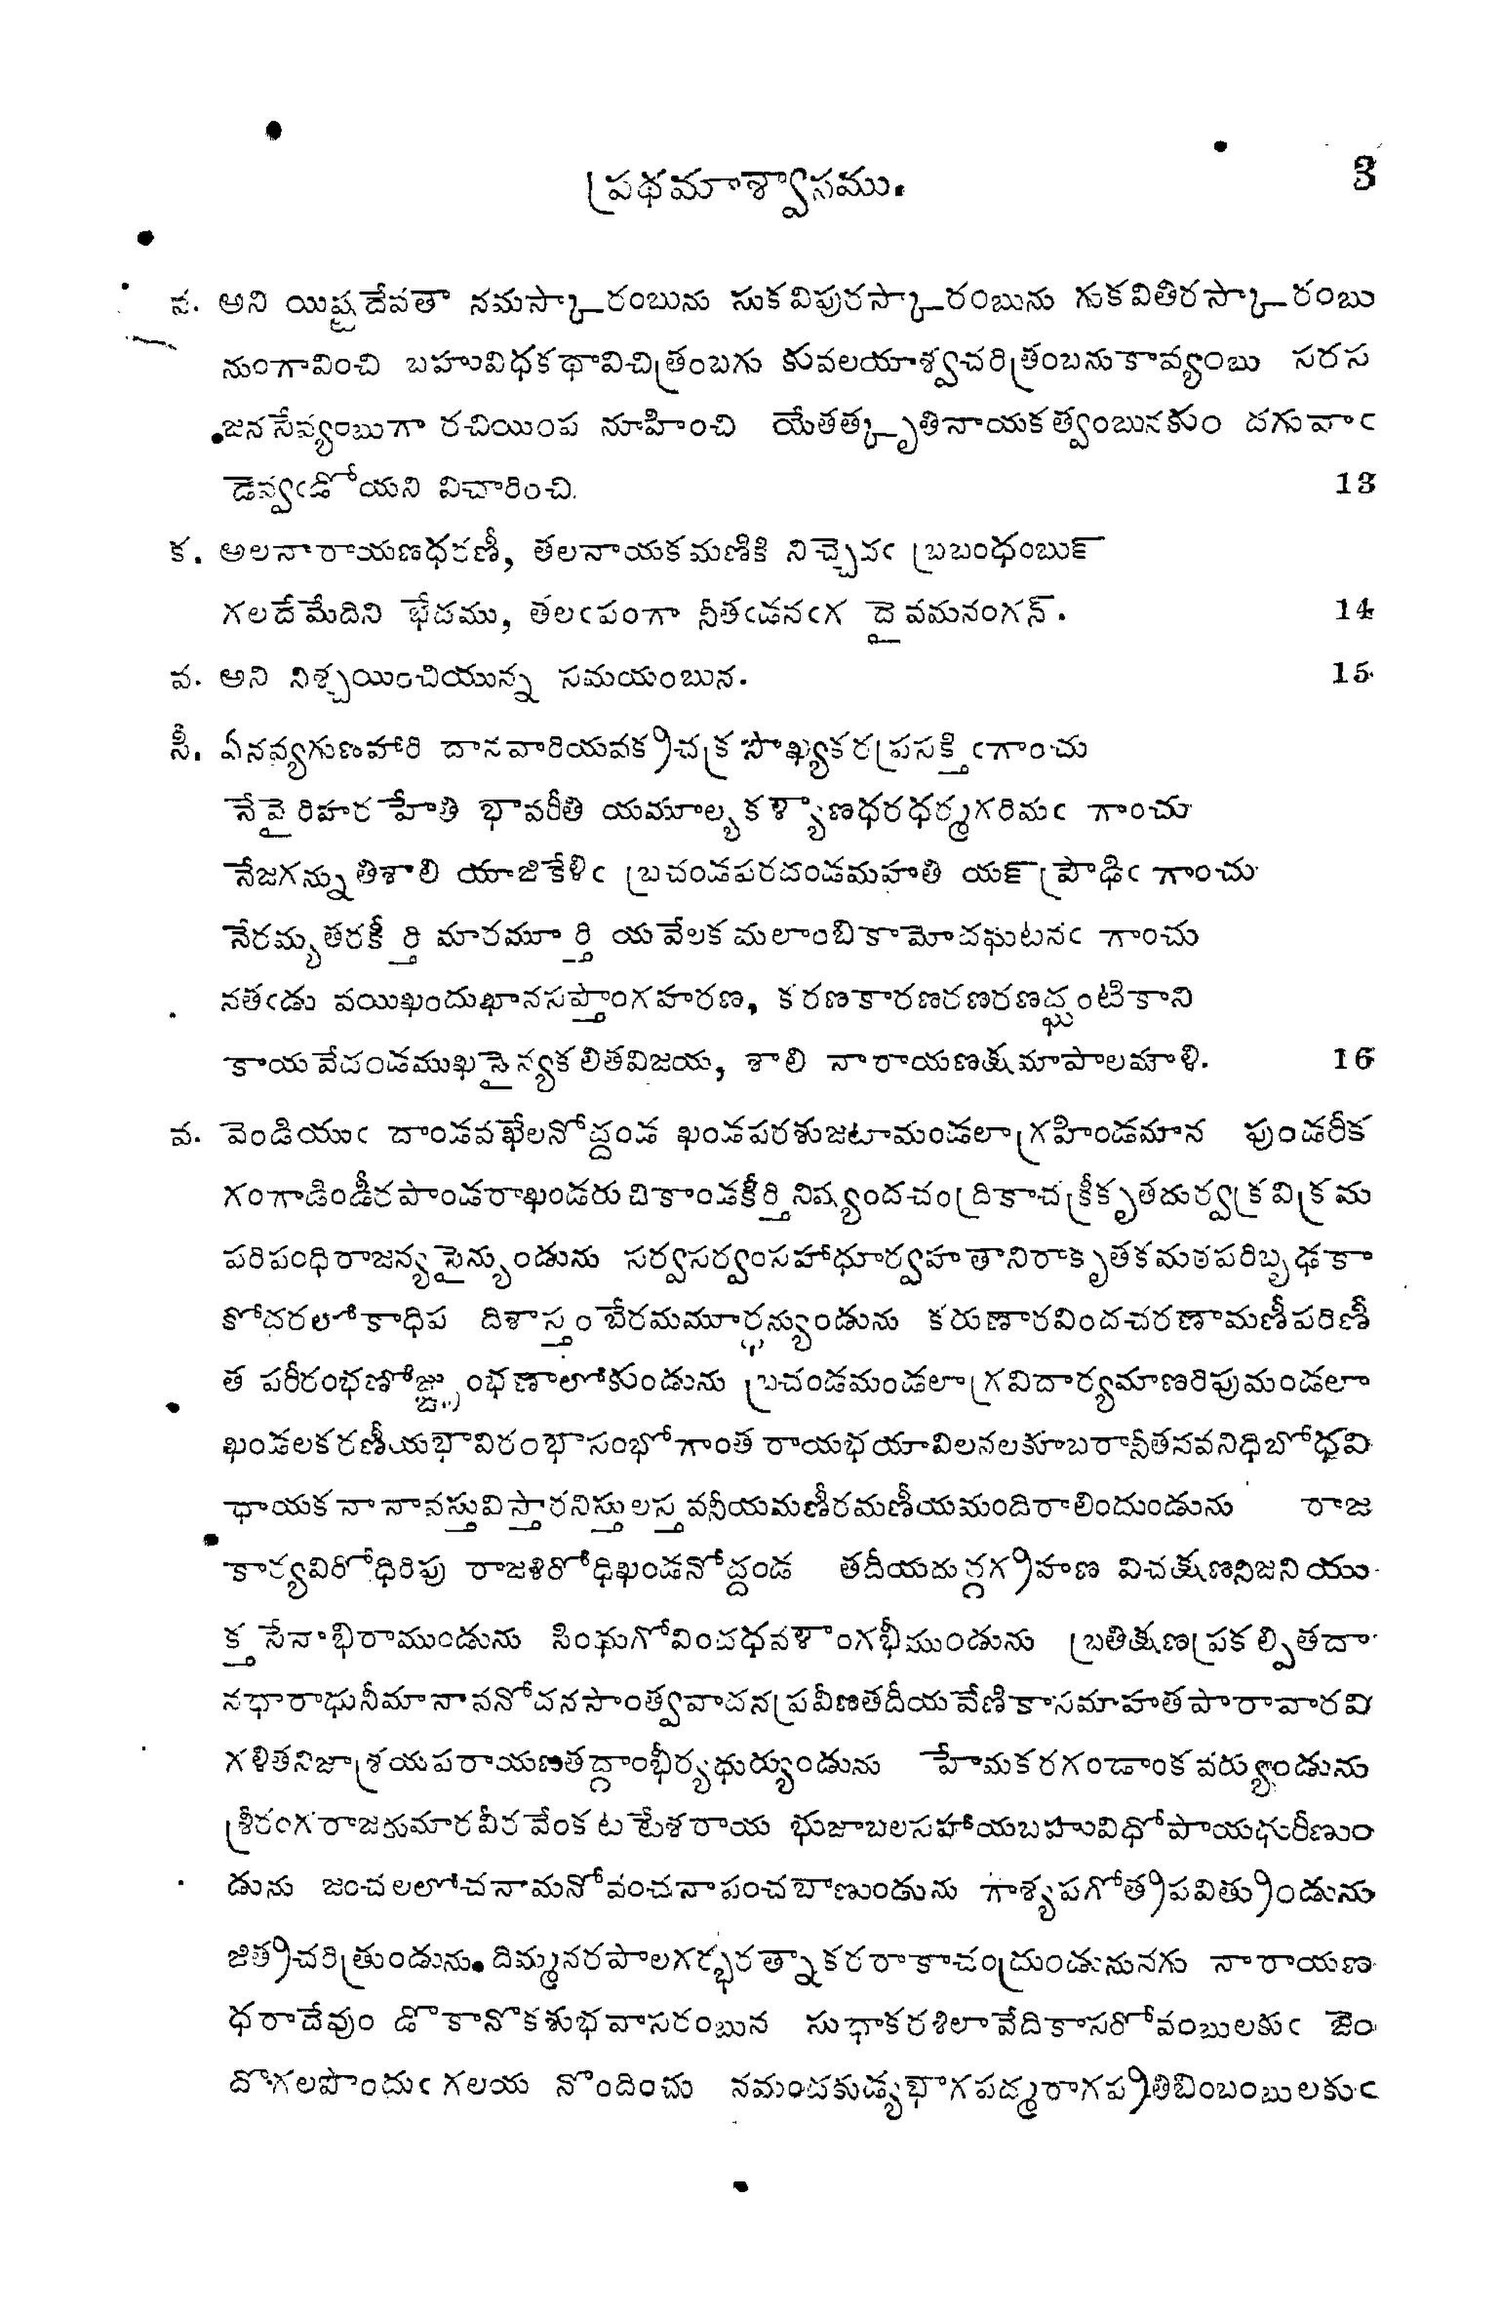వ. అని యిష్టదేవతానమస్కారంబును సుకవిపురస్కారంబును గుకవితిరస్కారంబు
నుం గావించి బహువిధకథావిచిత్రంబగు కువలయాశ్వచరిత్రంబను కావ్యంబు సరస
జనసేవ్యంబుగా రచియింప నూహించి యేతత్కృతినాయకత్వంబునకుం దగువాఁ
డెవ్వఁడో యని విచారించి.
క. అలనారాయణధరణీ, తలనాయకమణికి నిచ్చెదఁ బ్రబంధంబున్
గలదే మేదిని భేదము, తలఁపంగా నీతఁ డనఁగ దైవ మనంగన్.
వ. అని నిశ్చయించియున్న సమయంబున.

సీ. ఏనవ్యగుణహారి దానవారియవక్రచక్రసౌఖ్యకరప్రసక్తిఁ గాంచు
నేవైరిహరహేతి భావరీతి యమూల్యకళ్యాణధరధర్మగరిమఁ గాంచు
నేజగన్నుతిశాలి యాజికేళిఁ బ్రచంచపరచండమహతి యన్ ప్రౌఢిఁ గాంచు
నేరమ్యతరకీర్తి మారమూర్తి యవేలకమలాంబికామోదఘటనఁ గాంచు
నతఁడు వయిఖందుఖానసప్తాంగహరణ, కరణకారణరణరణద్ఘంటికాని
కాయవేదండముఖసైన్యకలితవిజయ, శాలి నారాయణక్షమాపాలమాళి.
వ. వెండియుఁ దాండవఖేలనోద్దండఖండపరశుజటామండలాగ్రహిండమానపుండరీక
గంగాడిండీరపాంచరాఖండరుచికాండకీర్తినిష్యందచంద్రికాచక్రీకృతదుర్వక్రవిక్రమ
పరిపంధిరాజన్యసైన్యుండును సర్వసర్వంసహాధూర్వహతానిరాకృతకమఠపరిబృఢకా
కోదరలోకాధిపదిశాస్తంబేరమమూర్ధన్యుండును కరుణారవిందచరణామణీపరిణీ
తపరీరంభణోజ్జృంభణాలోకుండును బ్రచండమండలాగ్రవిదార్యమాణరిపుమండలా
ఖండలకరణీయభావిరంభాసంభోగాంతరాయభయావిలనలకూబరానీతనవనిధిబోధవి
ధాయకనానావస్తువిస్తారనిస్తులస్తవనీయమణీరమణీయమందిరాలిందుండును రాజ
కార్యవిరోధిరిపురాజశిరోధిఖండనోద్దండతదీయదుర్గగ్రహణవిచక్షణనిజనియు
క్తసేనాభిరాముండును సింధుగోవిందధవళాంగభీముండును బ్రతిక్షణప్రకల్పితదా
నధారాధునీమానావనోదనసాంత్వవాదనప్రవీణతదీయవేణికాసమాహతపారావారవి
గళితనిజాశ్రయపరాయణతద్గాంభీర్యధుర్యుండును హేమకరగండాంకవర్యుండును
శ్రీరంగరాజకుమారవీరవేంకటేశరాయ భుజాబలసహాయబహువిధోపాయధురీణుం
డును జంచలలోచనామనోవంచనాపంచబాణుండును గాశ్యపగోత్రపవిత్రుండును
జితచరిత్రుండును దిమ్మనరపాలగర్భరత్నాకరరాకాచంద్రుండునునగు నారాయణ
ధరాదేవుం డొకానొకశుభవాసరంబున సుధాకరశిలావేదికాసరోవంబులకుఁ జెం
దొగలపొందుఁ గలయ నొందించు నమందకుడ్యభాగపద్మరాగప్రతిబింబంబులకుఁ